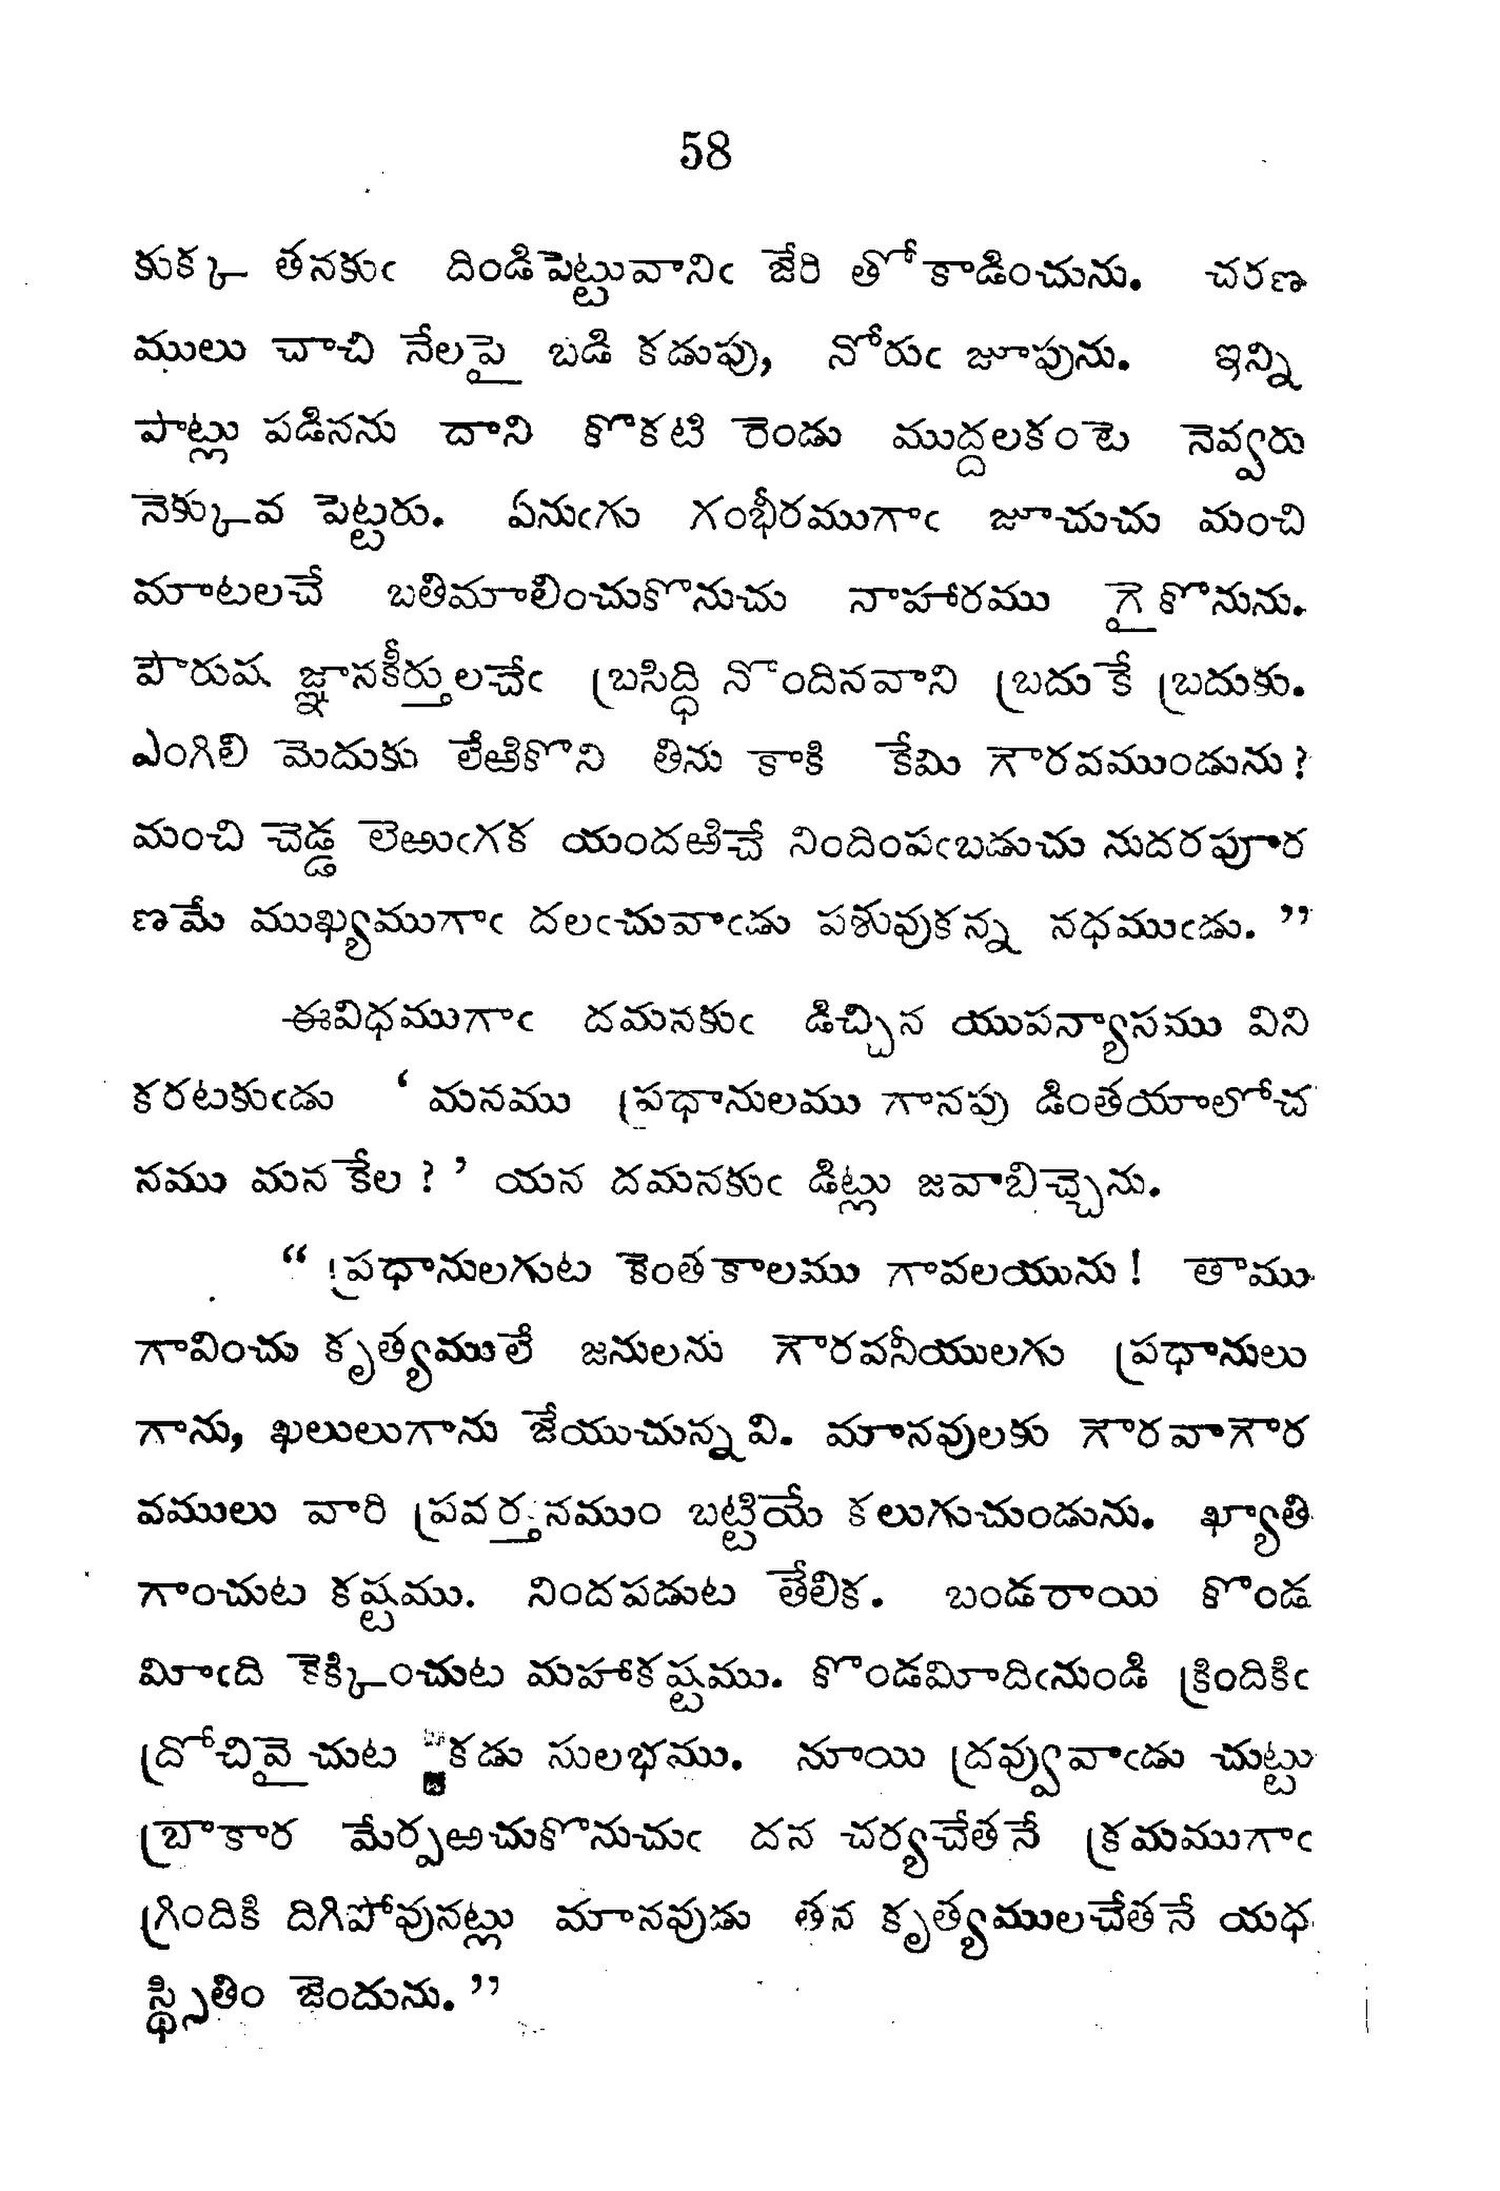కుక్క తనకు దిండిపెట్టువాని జేరి తోకాడించును. చరణములు చాచి నేలపై బడి కడుపు, నోరుజూపును. ఇన్నిపాట్లు పడినను దాని కొకటి రెండు ముద్దలకంటె నెవ్వరు నెక్కువ పెట్టరు. ఏనుగు గంభీరముగా జూచుచు మంచి మాటలచే బతిమాలించుకొనుచు నాహారము గైకొనును. పౌరుష జ్ఞానకీర్తులచే బ్రసిద్ధి నొందినవాని బ్రదుకే బ్రదుకు. ఎంగిలి మెదుకు లేఱికొని తిను కాకి కేమి గౌరవముండును? మంచి చెడ్డ లెఱుగక యందఱిచే నిందింపబడుచు నుదరపూరణమే ముఖ్యముగా దలచువాడు పశువుకన్న నధముడు."

ఈవిధముగా దమనకు డిచ్చిన యుపన్యాసము విని కరటకుడు "మనము ప్రధానులము గానపు డింతియాలోచనము మనకేల?" యన దమనకు డిట్లు జవాబిచ్చెను.

"ప్రధానులగుట కెంతకాలము గావలయును! తాము గావించు కృత్యములే జనులను గౌరవనీయులగు ప్రధానులుగాను, ఖలులుగాను జేయుచున్నవి. మానవులకు గౌరవగౌరవములు వారి ప్రవర్తనముం బట్టియే కలుగుచుండును. ఖ్యాతి గాంచుట కష్టము. నిందపడుట తేలిక. బండరాయి కొండ మీది కెక్కించుట మహాకష్టము. కొండమీదినుండి క్రిందికి ద్రోచివైచుట కడు సులభము. నూయి ద్రవ్వువాడు చుట్టు బ్రాకార మేర్పఱచుకొనుచు దన చర్యచేతనే క్రమముగా గ్రిందికి దిగిపోవునట్లు మానవుడు తన కృత్యములచేతనే యధస్థ్సితిం జెందును.